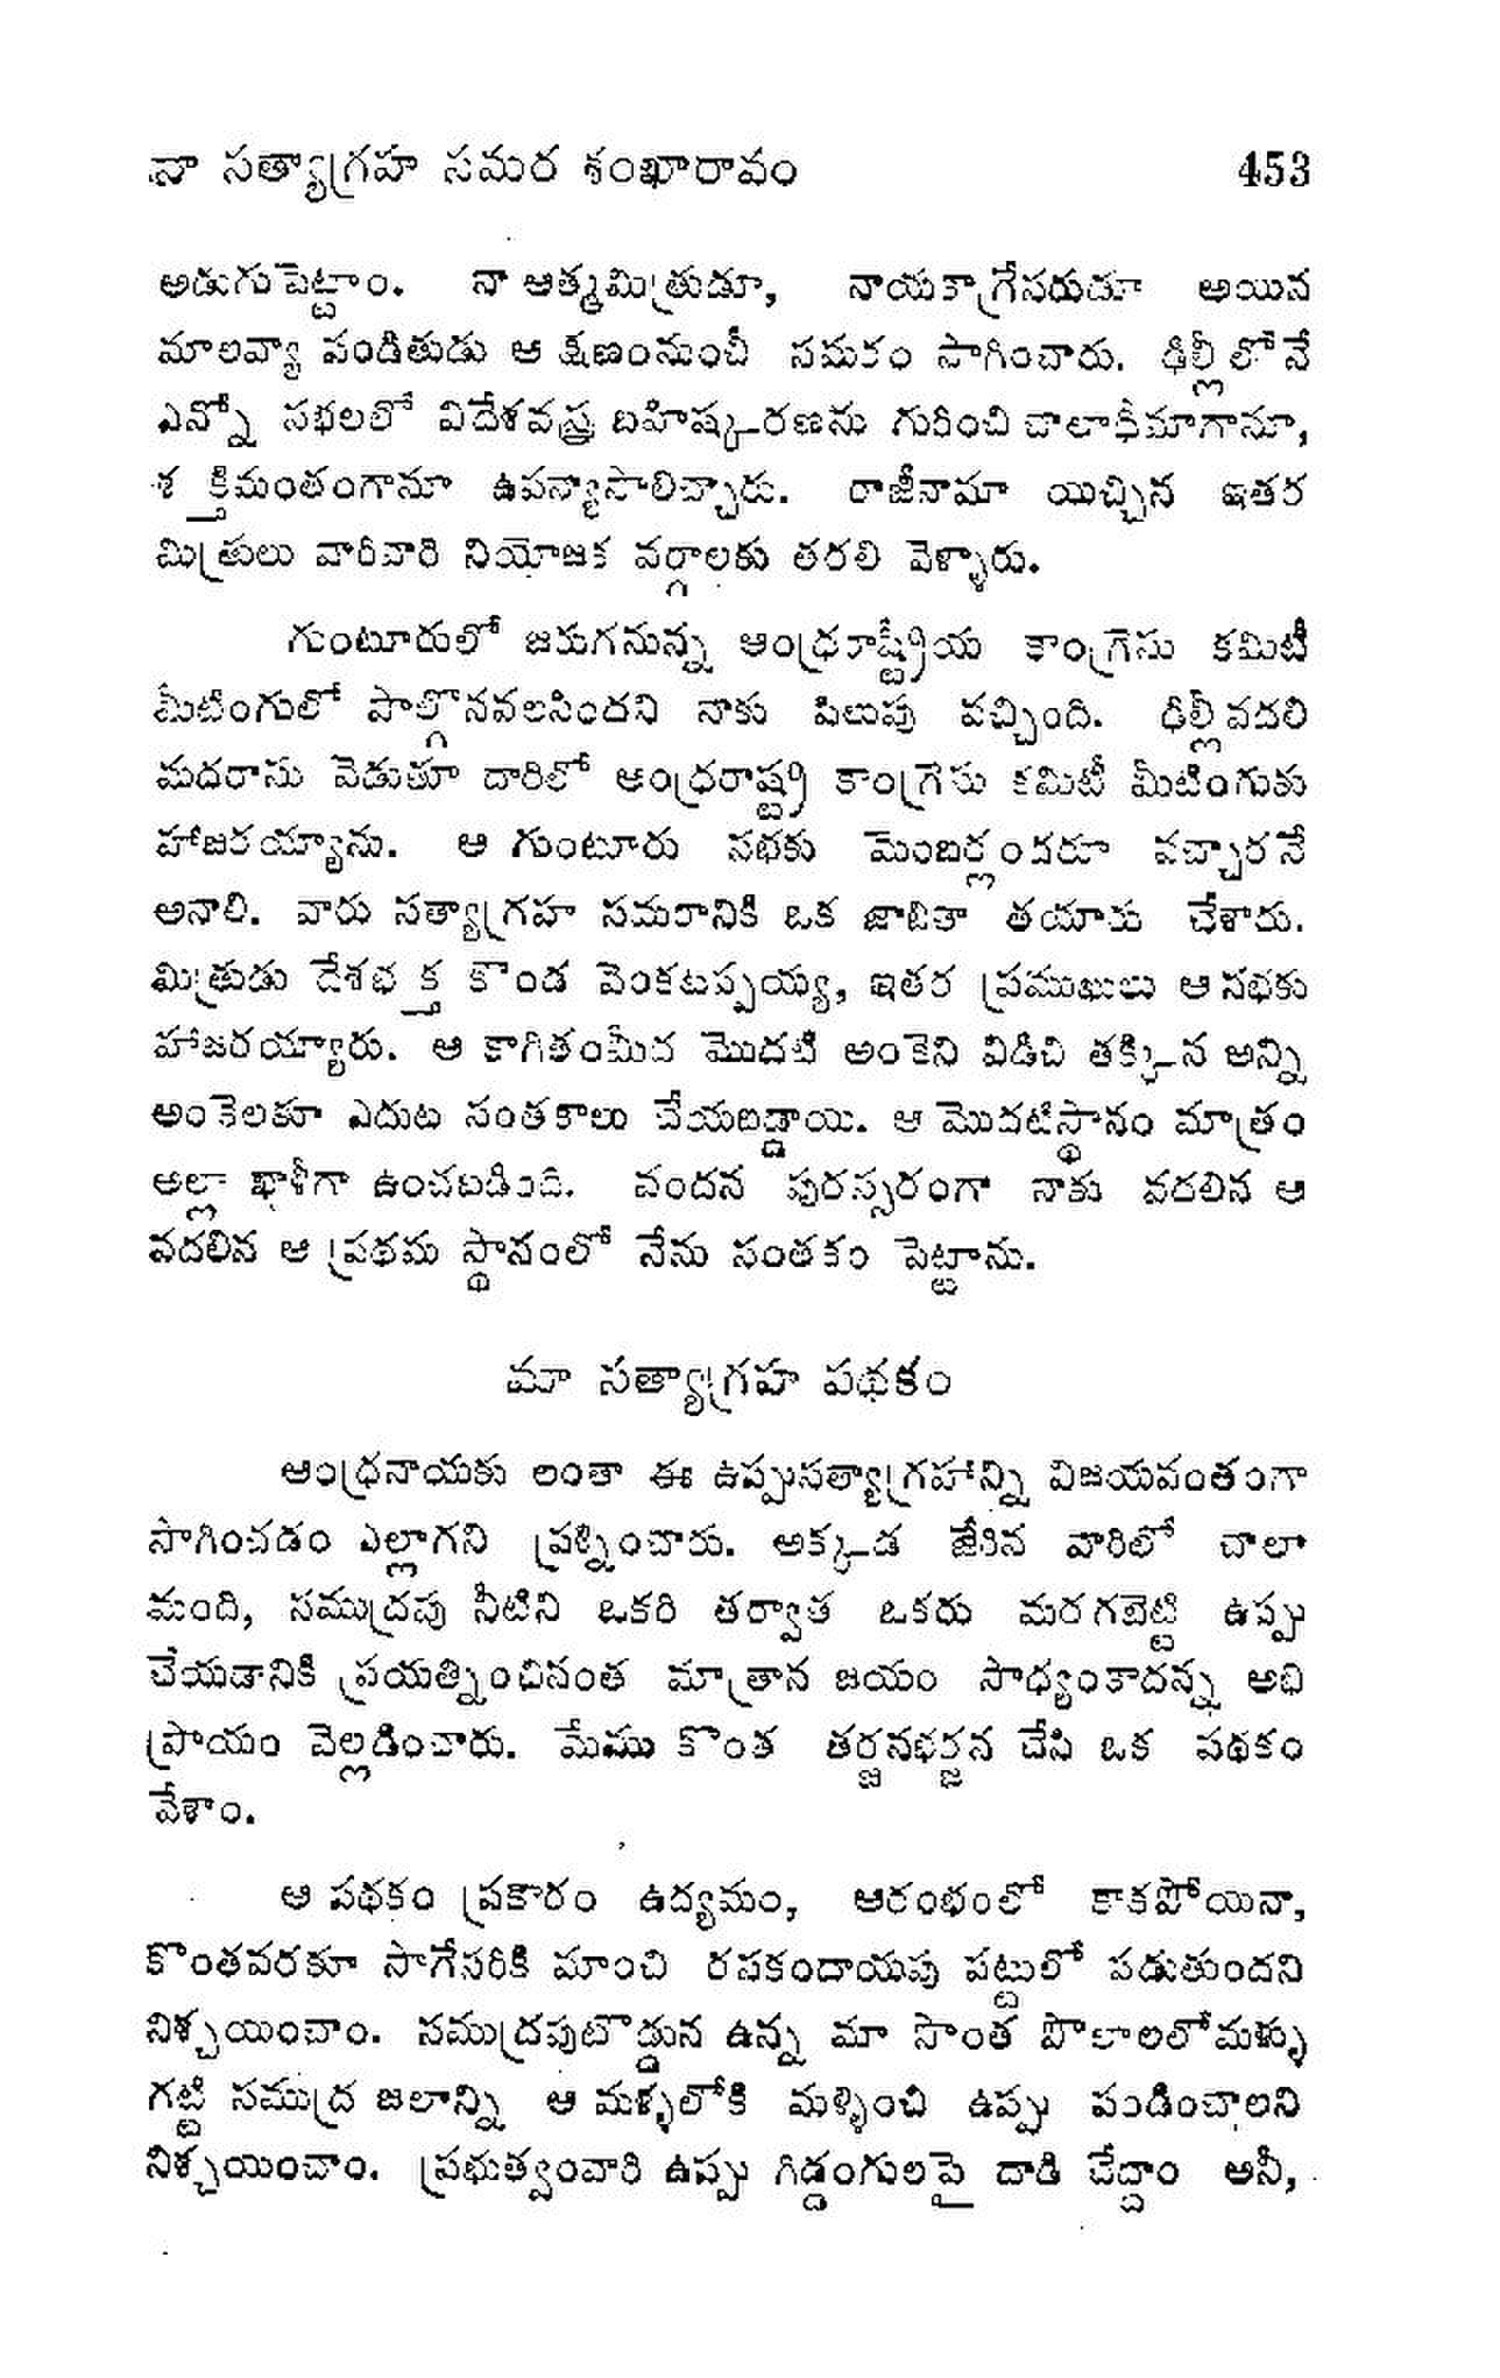అడుగుపెట్టాం. నా ఆత్మమిత్రుడూ, నాయకాగ్రేసరుడూ అయిన మాలవ్యా పండితుడు ఆ క్షణంనుంచీ సమరం సాగించారు. ఢిల్లీలోనే ఎన్నో సభలలో విదేశవస్త్ర బహిష్కరణను గురించి చాలాధీమాగానూ, శక్తిమంతంగానూ ఉపన్యాసాలిచ్చారు. రాజీనామా యిచ్చిన ఇతర మిత్రులు వారి వారి నియోజక వర్గాలకు తరలి వెళ్ళారు.

గుంటూరులో జరుగనున్న ఆంధ్రరాష్ట్రీయ కాంగ్రెసు కమిటీ మీటింగులో పాల్గొనవలసిందని నాకు పిలుపు వచ్చింది. ఢిల్లీ వదలి మదరాసు వెడుతూ దారిలో ఆంధ్రరాష్ట్ర కాంగ్రెసు కమిటీ మీటింగుకు హాజరయ్యాను. ఆ గుంటూరు సభకు మెంబర్లందరూ వచ్చారనే అనాలి. వారు సత్యాగ్రహ సమరానికి ఒక జాబితా తయారు చేశారు. మిత్రుడు దేశభక్త కొండ వెంకటప్పయ్య, ఇతర ప్రముఖులు ఆ సభకు హాజరయ్యారు. ఆ కాగితంమీద మొదటి అంకెని విడిచి తక్కిన అన్ని అంకెలకూ ఎదుట సంతకాలు చేయబడ్డాయి. ఆ మొదటిస్థానం మాత్రం అల్లా ఖాళీగా ఉంచబడింది. వందన పురస్సరంగా నాకు వదలిన ఆ వదలిన ఆ ప్రథమ స్థానంలో నేను సంతకం పెట్టాను.

ఆంధ్రనాయకు లంతా ఈ ఉప్పుసత్యాగ్రహాన్ని విజయవంతంగా సాగించడం ఎల్లాగని ప్రశ్నించారు. అక్కడ జేరిన వారిలో చాలామంది, సముద్రపు నీటిని ఒకరి తర్వాత ఒకరు మరగబెట్టి ఉప్పు చేయడానికి ప్రయత్నించినంత మాత్రాన జయం సాధ్యంకాదన్న అభిప్రాయం వెల్లడించారు. మేము కొంత తర్జనభర్జన చేసి ఒక పథకం వేశాం.

ఆ పథకం ప్రకారం ఉద్యమం, ఆరంభంలో కాకపోయినా, కొంతవరకూ సాగేసరికి మాంచి రసకందాయపు పట్టులో పడుతుందని నిశ్చయించాం. సముద్రపుటొడ్డున ఉన్న మా సొంత పొలాలలోమళ్ళు గట్టి సముద్ర జలాన్ని ఆ మళ్ళలోకి మళ్ళించి ఉప్పు పండించాలని నిశ్చయించాం. ప్రభుత్వంవారి ఉప్పు గిడ్డంగులపై దాడి చేద్దాం అనీ,